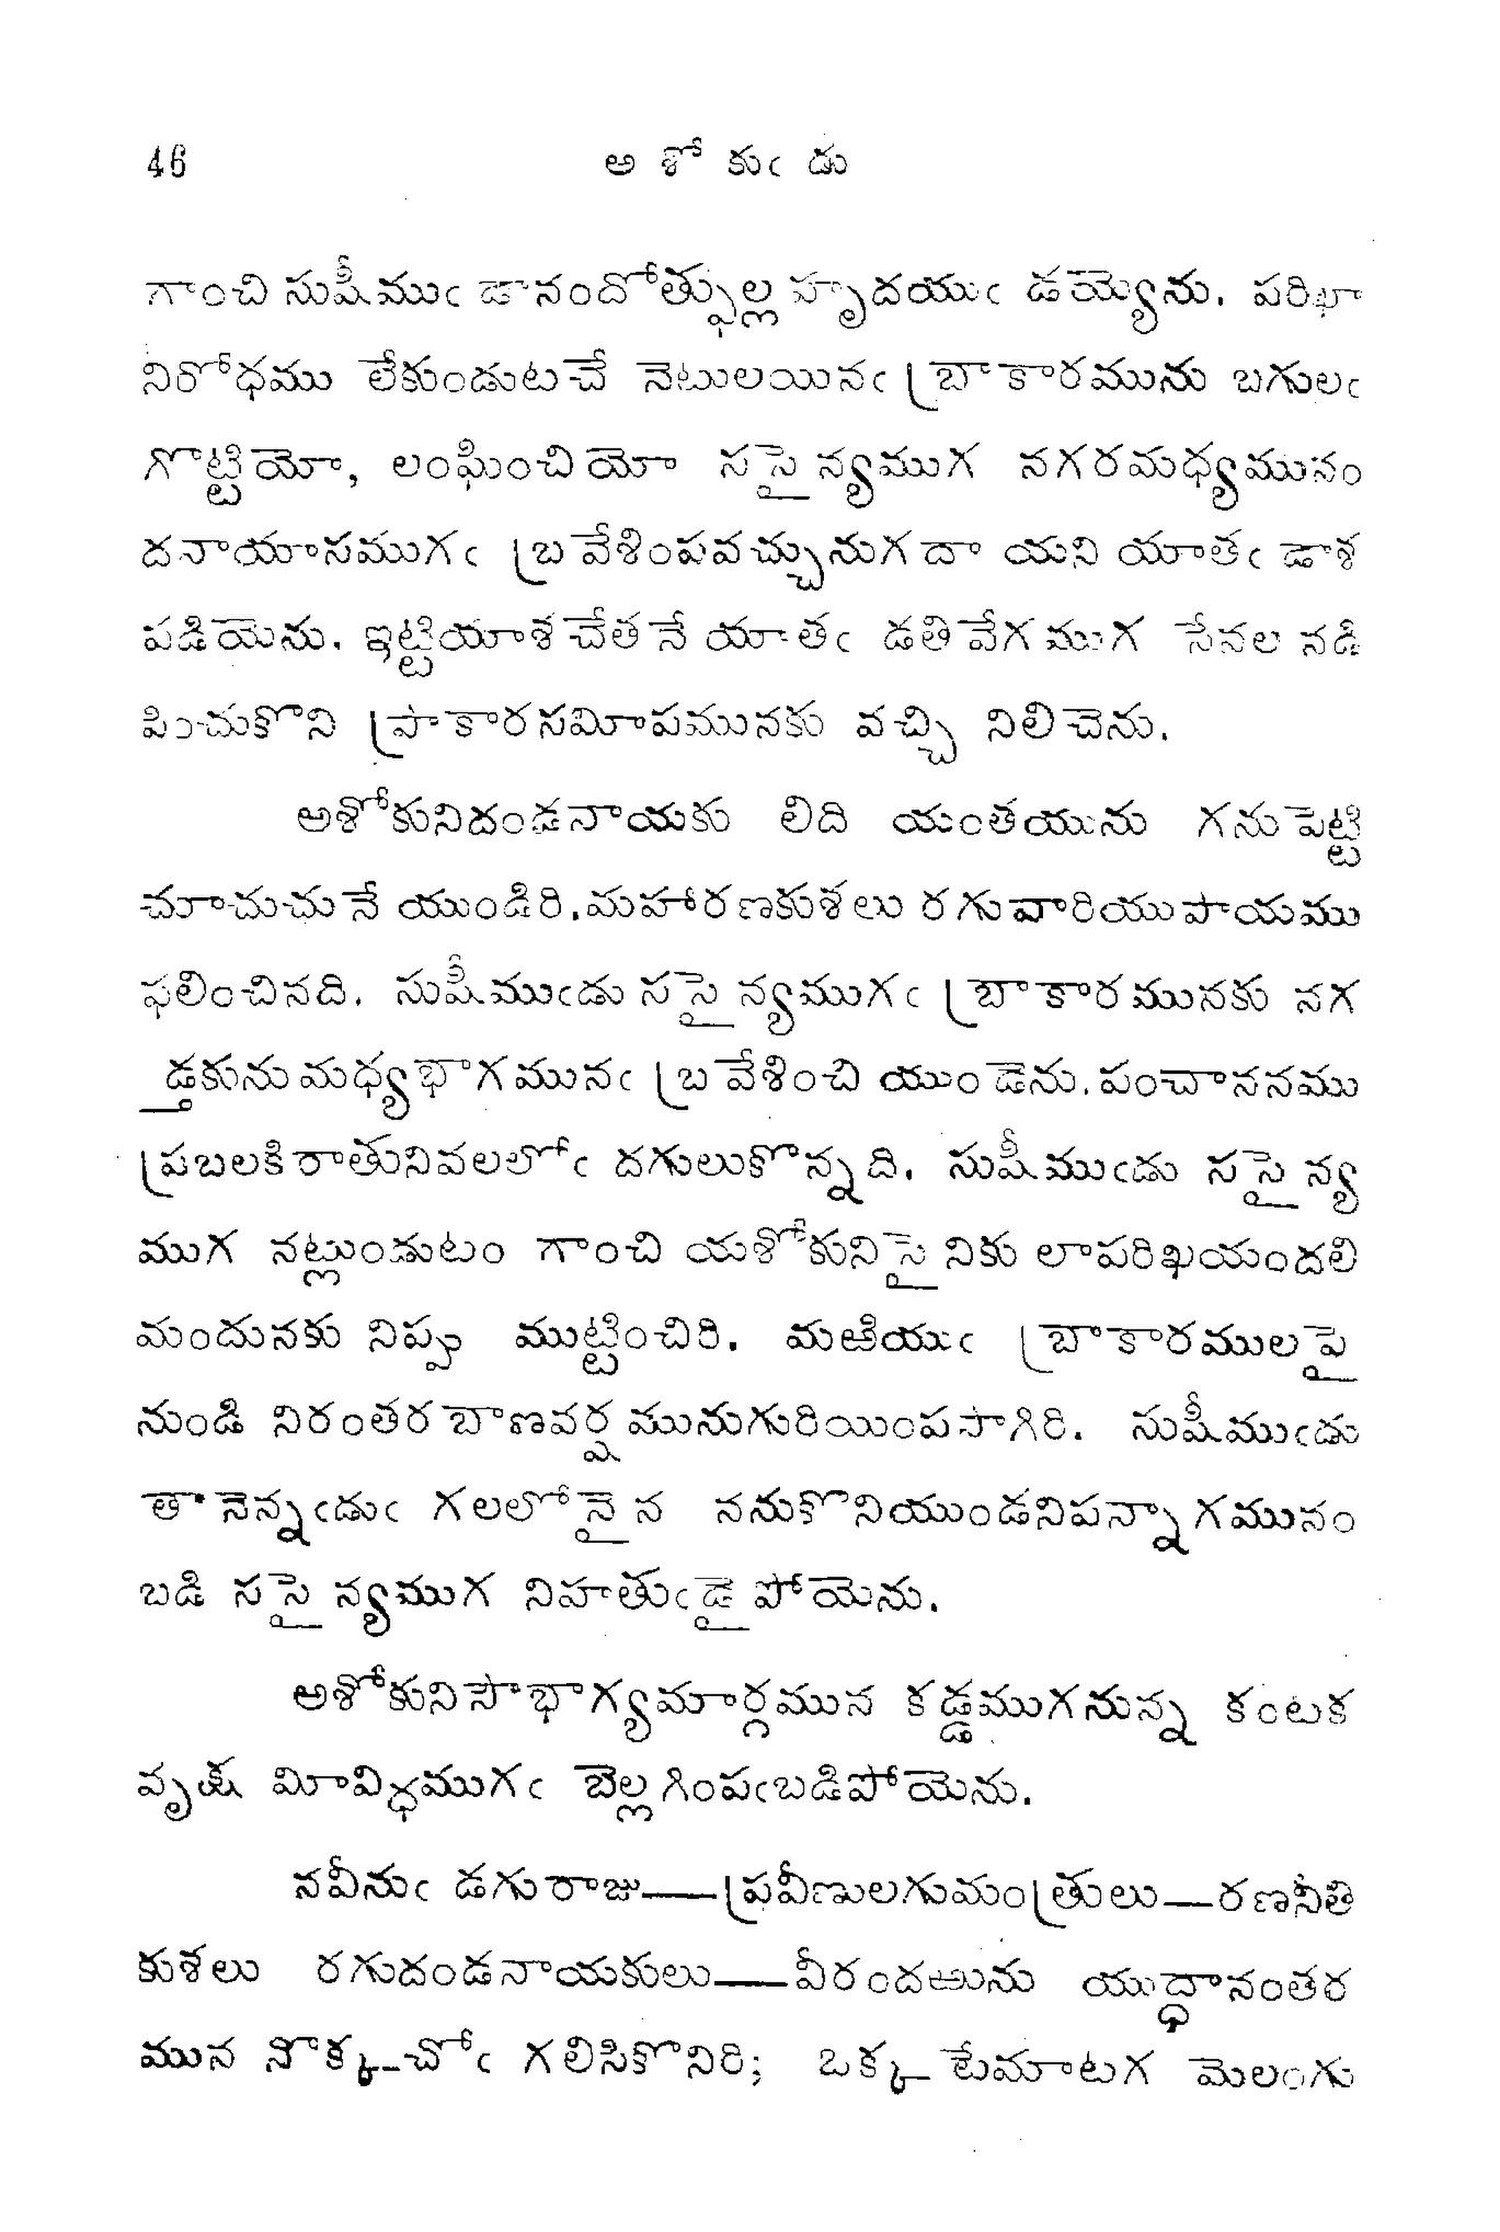గాంచి సుషీముఁ దానందోత్ఫుల్ల హృదయుఁ డయ్యెను. పరిభా నిరోధము లేకుండుట చే నెటులయినఁ బ్రాకారమును బగుల గొట్టియో, లంఘించి యో ససైన్యముగ నగరమధ్యమునం
దనాయాసముగఁ బ్రవేశింపవచ్చునుగదా యని యాతఁ డాశ పడియెను. ఇట్టియాశ చేత నే యాతఁ డతి వేగముగ సేనల నడిపించుకొని ప్రాకార సమీపమునకు వచ్చి నిలిచెను.

అశోకునిదండనాయకు లిది యంతయును గను పెట్టి చూచుచు నే యుండిరి, మహారణకుశలు రగువారియు పాయము ఫలించినది. సుషీముఁడు ససై న్యముగఁ బ్రాకారమునకు నగడ్తకును మధ్య భాగమునఁ బ్రవేశించి యుండెను. పంచాననము ప్రబలకిరాతునివలలోఁ దగులుకొన్నది. సుషీముఁడు ససైన్యముగ నట్లుండుటం గాంచి యశోకుని సైనికు లాపరిఖయందలి మందునకు నిప్పు ముట్టించిరి. మఱియుఁ బ్రాకారముల పై నుండి నిరంతర బాణవర్షమునుగురియింప సాగిరి. సుషీముఁడు తా నెన్నఁడుఁ గలలో నైన ననుకొనియుండనిపన్నాగమునం బడి ససై న్యముగ నిహతుఁడై పోయెను.

అశోకుని సౌభాగ్యమార్గమున కడ్డముగనున్న కంటక వృక్ష మీవిధముగఁ బెల్ల గింపఁబడిపోయెను.

నవీనుఁ డగు రాజు—ప్రవీణులగుమంత్రులు_రణనీతికుశలు రగుదండనాయకులు — వీరందఱును యుద్ధానంతరమున నొక్కచోఁ గలిసికొనిరి; ఒక్కటేమాటగ మెలంగు